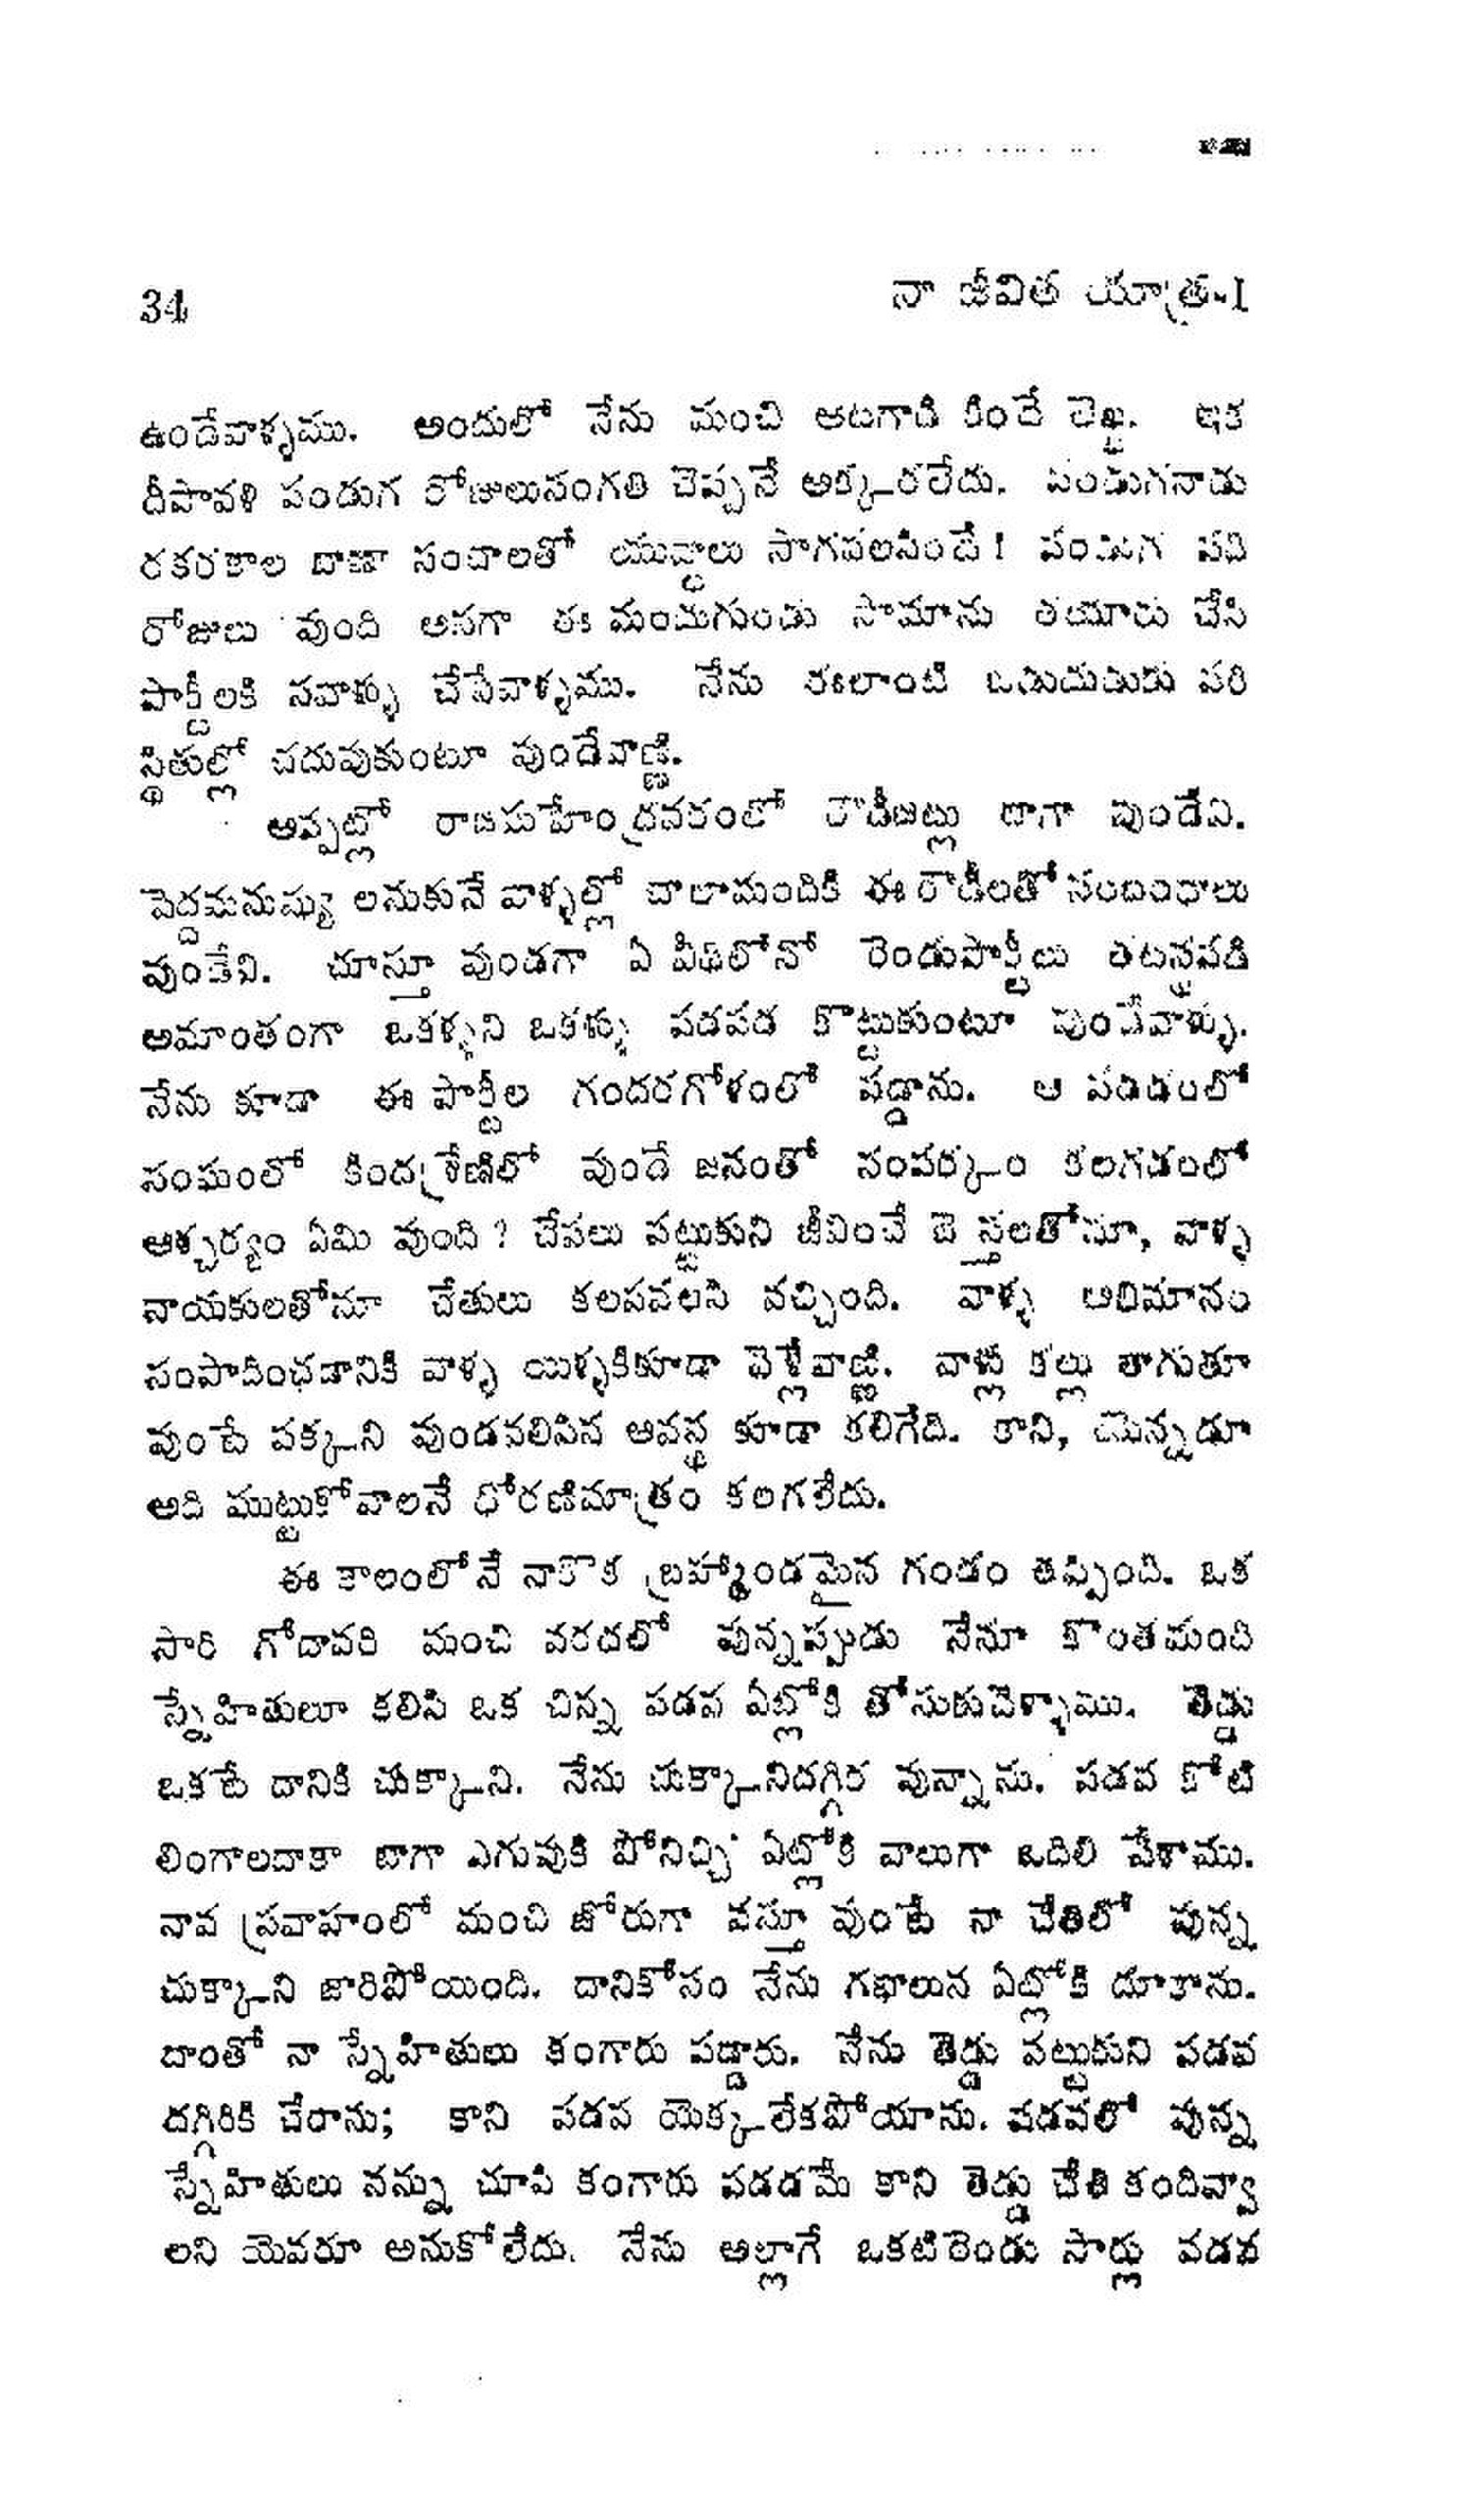దగ్గరకి వెళ్ళడం పడవ యెక్కలేకపోవడం జరిగింది. చాలాసేపు ప్రాణాల మీద ఆశ ఒదులుకొని ఆ మహానదితో యుద్ధం చేశాను. చిట్టచివరికి నేనే నా స్నేహితులికి తెడ్డు అందివ్వండని సూచించాను. దాంతో వాళ్ళు తెడ్డు అందివ్వగా దాని ఊతంమీద పడవపైకి వచ్చాను. ఈ రీతిగా మృత్యు సన్నిధికి వేంచేసి వెంట్రుకవాసి తేడాలో అక్కడి నించి బయటపడ్డాను.

1889వ సంవత్సరంలో ప్రైవేటుగా చదివి మెట్రిక్యులేషన్ పాసయినాను. ఆ వేసవికాలంలో ఒంగోలు ఒదిలినప్పటినించీ మళ్ళీ ఒంగోలు వెళ్ళలేదు. ఆ తరవాత నేను కొద్దిరోజులపాటు రాజమహేంద్రవరంలో స్వంతంగా వండుకుని భోజనం చేసేవాణ్ణి. తరవాత కొన్నాళ్ళపాటు హోటల్లో భోజనం చేశాను. చివరికి నా చదువుకి తగిన భోజనవసతి కుదరకపోవడంతో మా అమ్మమ్మగారిని ఒంగోలునించి తీసుకువచ్చాను. మేము ఆ తరవాత ఇన్నీసుపేటలో నోరివారి ఇంట్లో ఒక చిన్నగదిలో ఉండేవాళ్ళము.

మెట్రిక్యులేషన్ పరీక్ష పాసయిన తరవాత, "మరి ముందు సంగతి ఏమిటీ?" అనే సమస్య వచ్చింది. నా లక్ష్యమెప్పుడూ ప్లీడరీ మీదే వుండేదని యిదివరకే వ్రాశాను. రాజమహేంద్రవరంలో రౌడీ జనాభాతో జోస్తీగా వుండే సమయంలో కూడా నా మనస్సు ఆ న్యాయవాది వృత్తిమీదనే లగ్నమై వుండేది. మెట్రిక్యులేషన్ పాసవడంతోనే పెద్ద పెద్ద ఉద్యోగాలు కూడా సంపాదించడానికి అవకాశం ఉన్న రోజులవి! స్నేహితులు కొందరు "ఎన్నాళ్ళు నువ్వు నాయుడు గారిమీద ఆధారపడతావు? ఏదో మెట్రిక్యులేషన్ అయింది కనక మరి నౌఖరీలో జేర," మని సలహాయిచ్చారు. నా దృష్టి అయితే కళాశాలలో చదివి ప్లీడరీ చెయ్యాలని వుండేది. కాని నిజంగా నాయుడుగారికి నే నిచ్చేశ్రమ చూస్తే స్నేహితులు చెప్పిన సలహా న్యాయమైనదేమోననిపించింది.

గుమస్తా పని చేస్తూ కూడా ప్రైవేటుగా ప్లీడరీకి చదివే అవకాశం వుండడం చేత చిట్ట చివరికి ఇష్టం లేకుండానే రాజమహేంద్రవరం సబ్